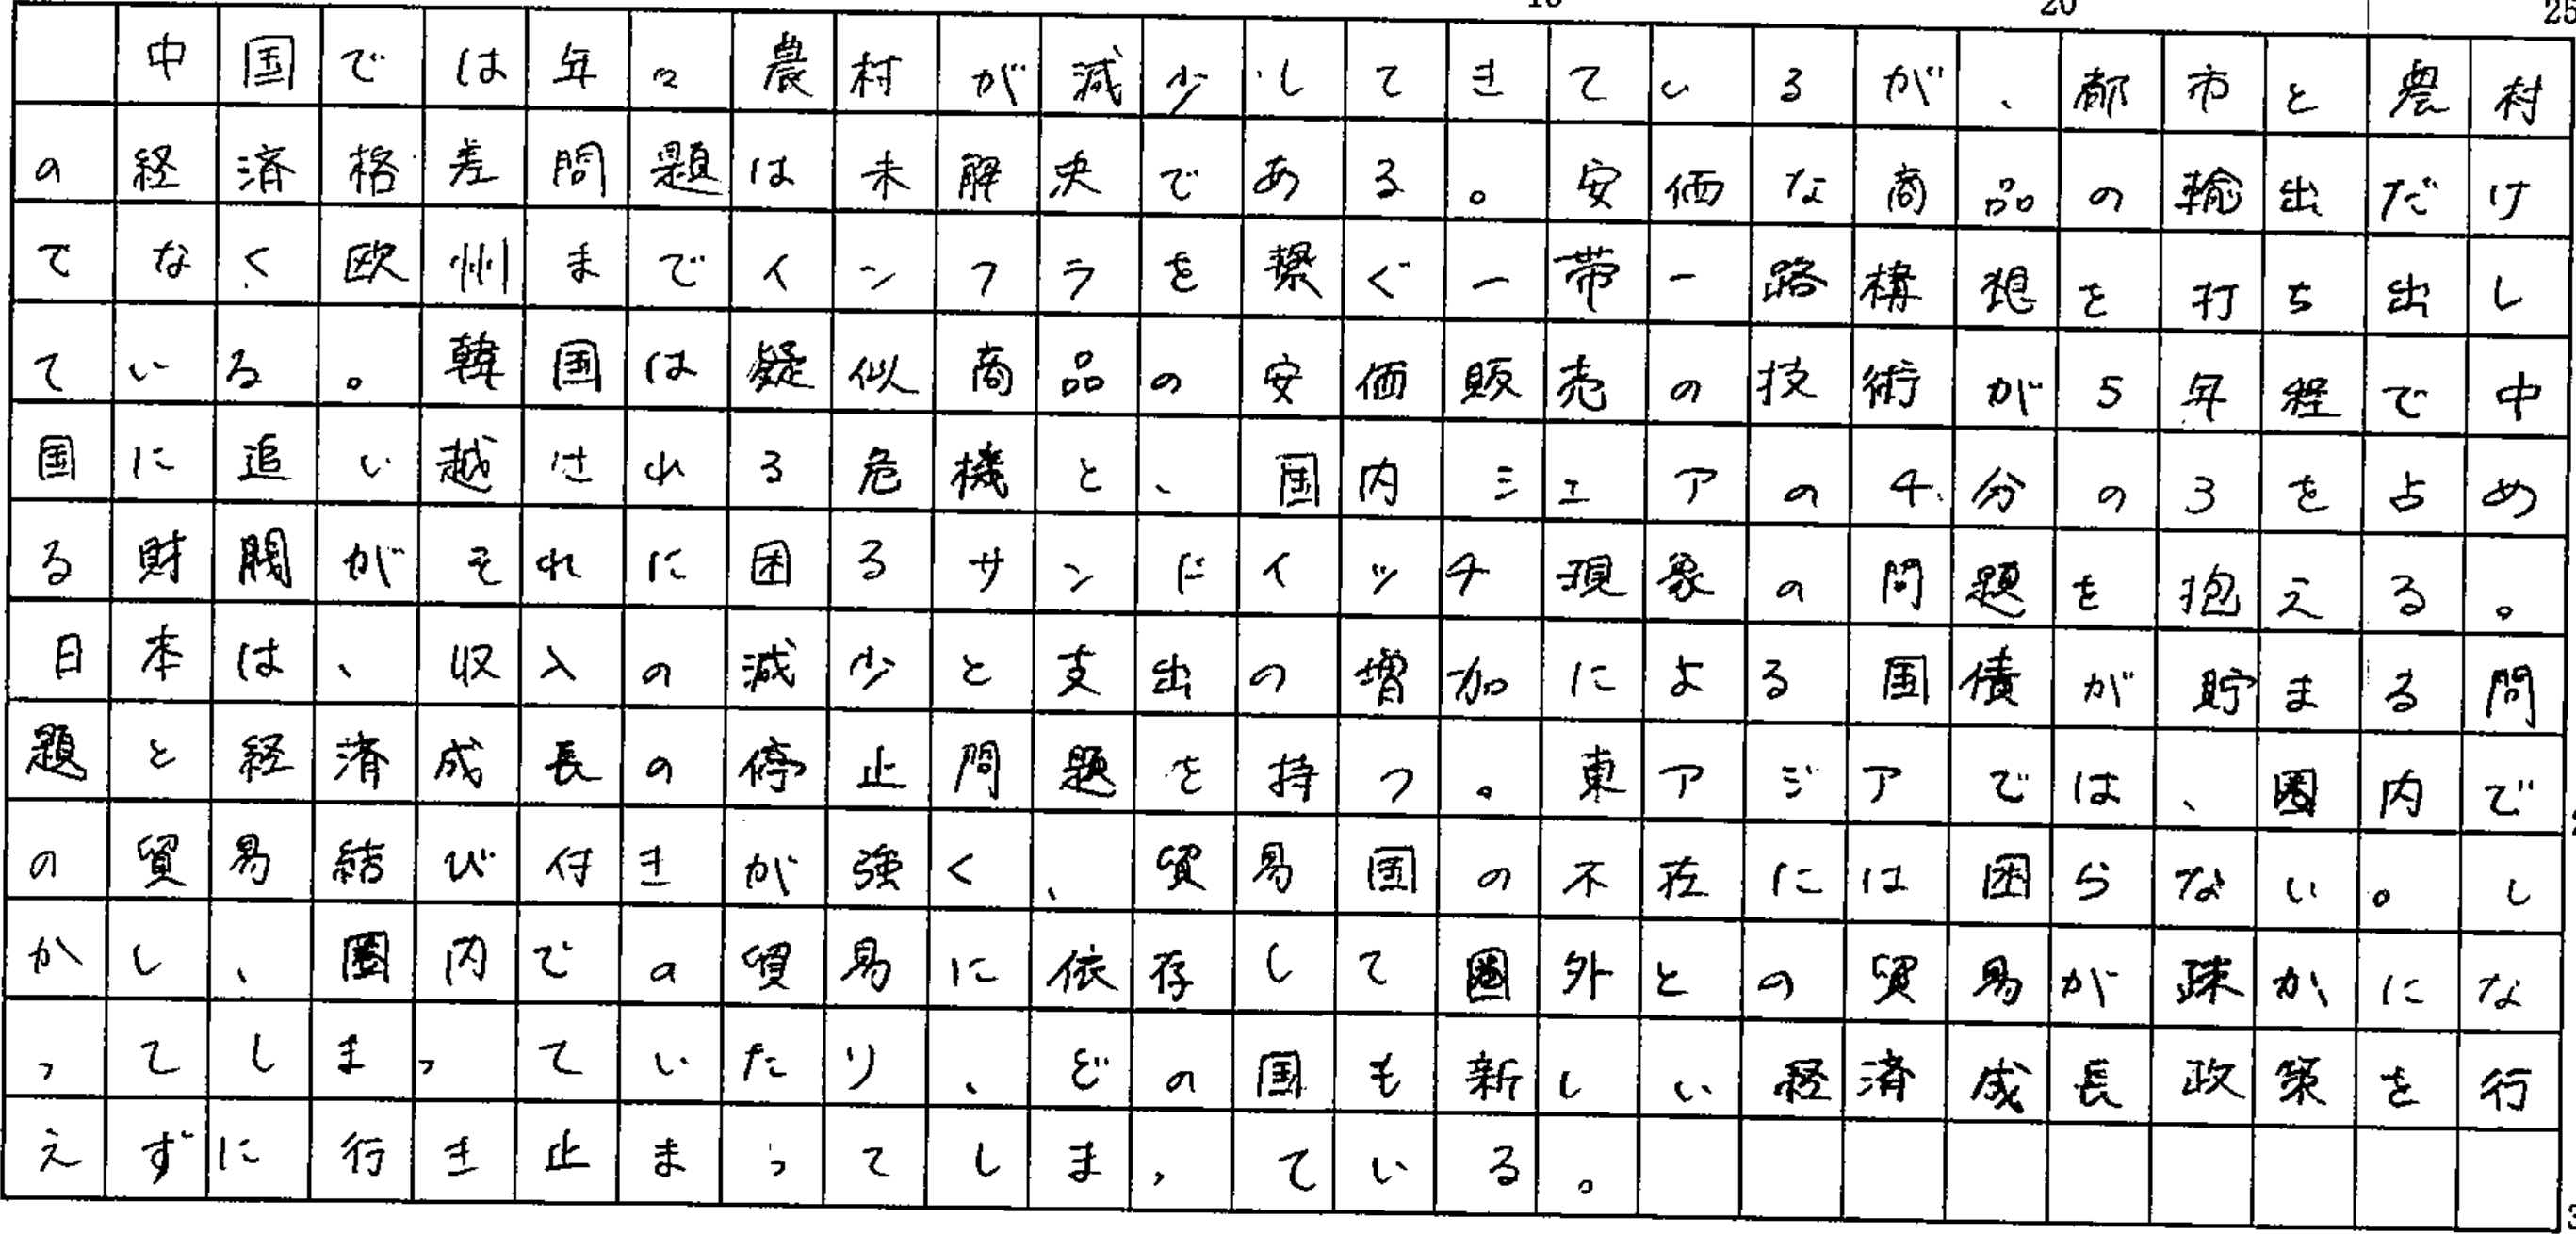　中国では年々農村が減少してきているが、都市と農村の経済格差問題は未解決である。安価な商品の輸出だけでなく欧州までインフラを繋ぐ一帯一路構想を打ち出している。韓国は疑似商品の安価販売の技術が５年程で中国に追い越される危機と、国内シェアの４分の３を占める財閥がそれに困るサンドイッチ現象の問題を抱える。日本は、収入の減少と支出の増加による国債が貯まる問題と経済成長の停止問題を持つ。東アジアでは、圏内での貿易結び付きが強く、貿易国の不在には困らない。しかし、圏内での貿易に依存して圏外との貿易が疎かになってしまっていたり、どの国も新しい経済成長政策を行えずに行き止まってしまっている。
